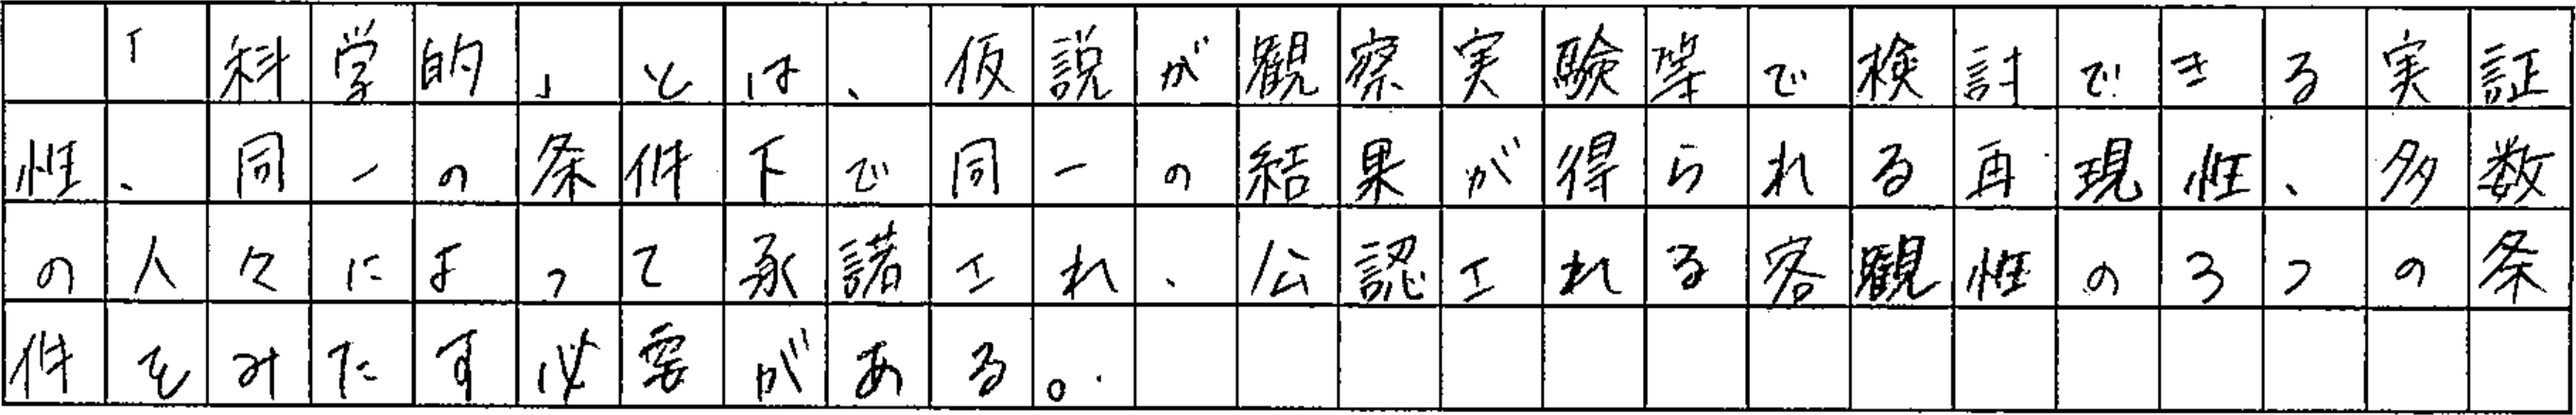　「科学的」とは、仮説が観察実験等で検討できる実証性、同一の条件下で同一の結果が得られる再現性、多数の人々によって承諾され、公認される客観性の３つの条件をみたす必要がある。
